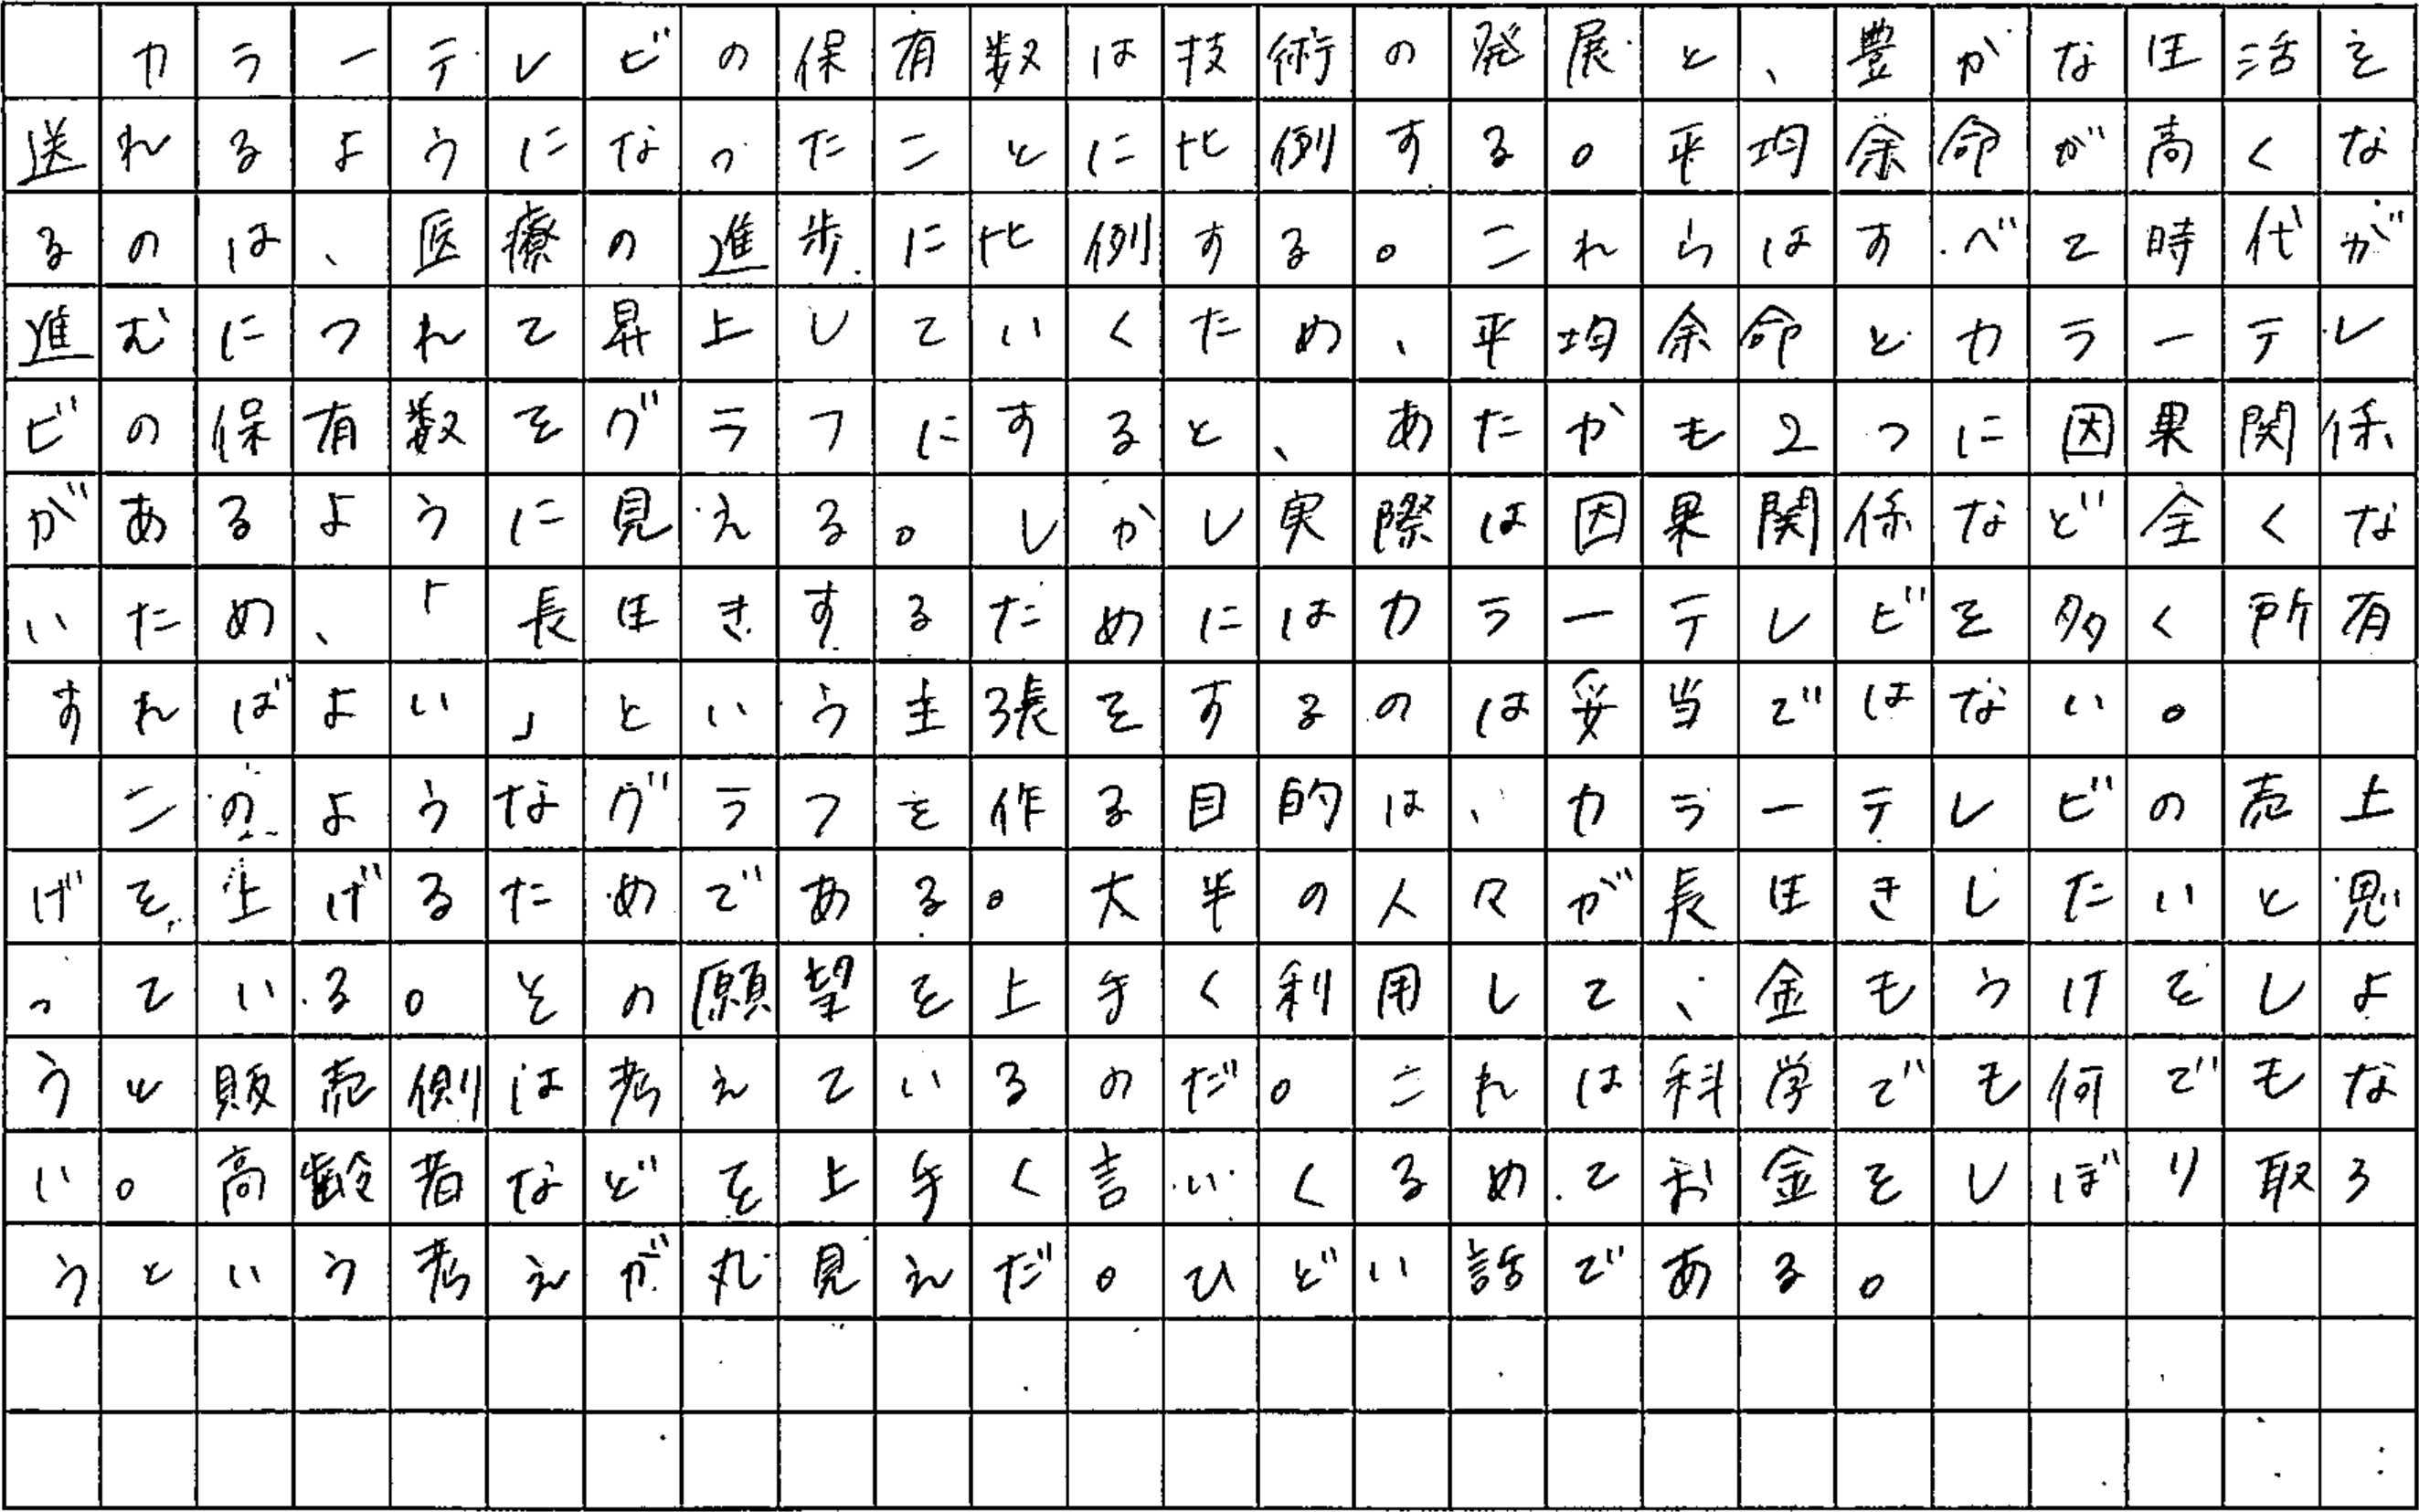　カラーテレビの保有数は技術の発展と、豊かな生活を送れるようになったことに比例する。平均余命が高くなるのは、医療の進歩に比例する。これらはすべて時代が進むにつれて昇上していくため、平均余命とカラーテレビの保有数をグラフにすると、あたかも２つに因果関係があるように見える。しかし実際は因果関係など全くないため、「長生きするためにはカラーテレビを多く所有すればよい」という主張をするのは妥当ではない。
　このようなグラフを作る目的は、カラーテレビの売上げを上げるためである。大半の人々が長生きしたいと思っている。その願望を上手く利用して、金もうけをしようと販売側は考えているのだ。これは科学でも何でもない。高齢者などを上手く言いくるめてお金をしぼり取ろうという考えが丸見えだ。ひどい話である。
